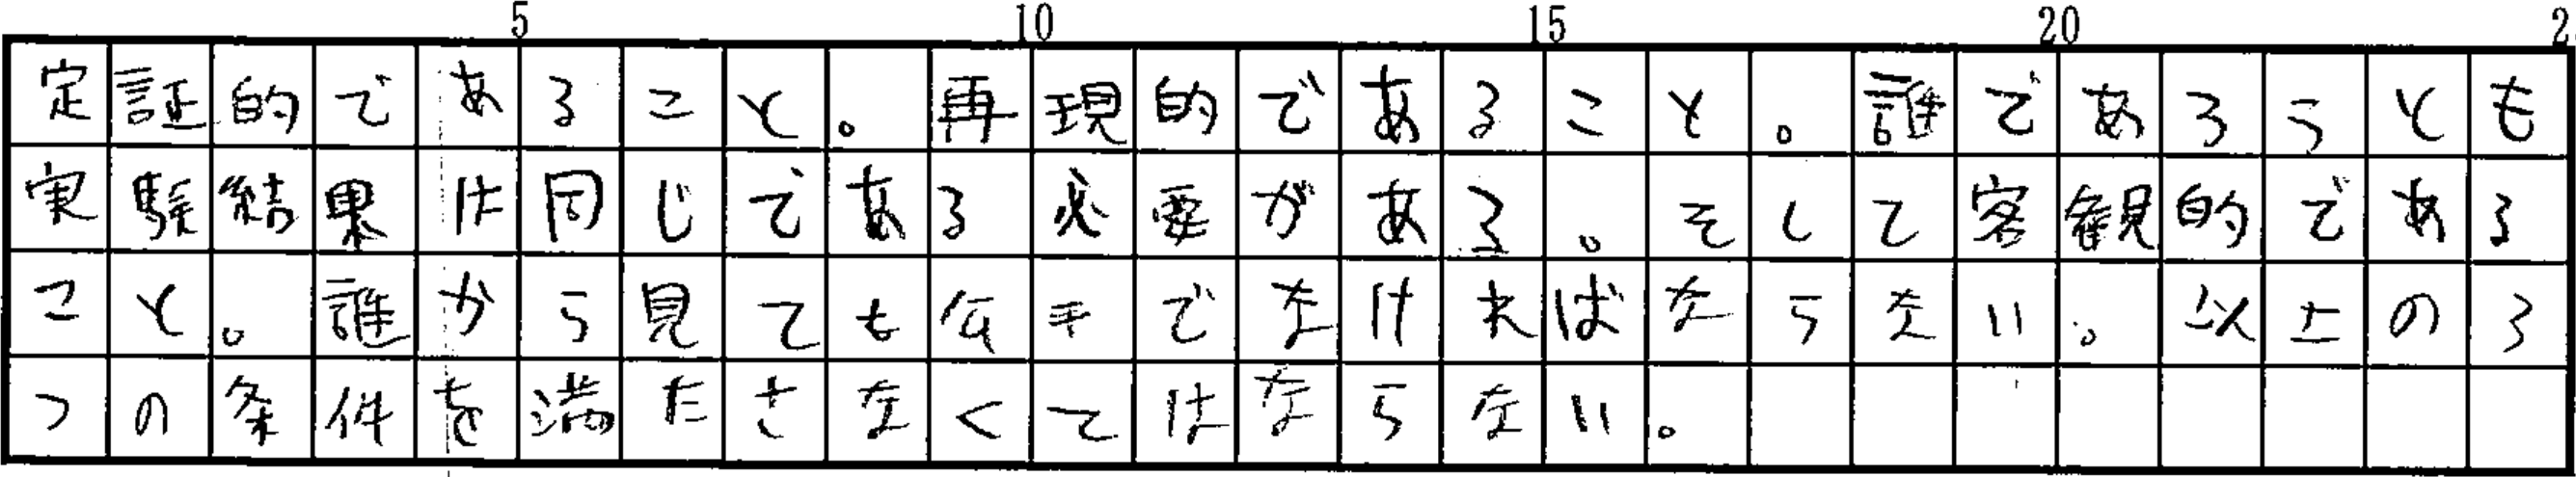実証的であること。再現的であること。誰であろうとも実験結果は同じである必要がある。そして客観的であること。誰から見ても公平でなければならない。以上の３つの条件を満たさなくてはならない。
